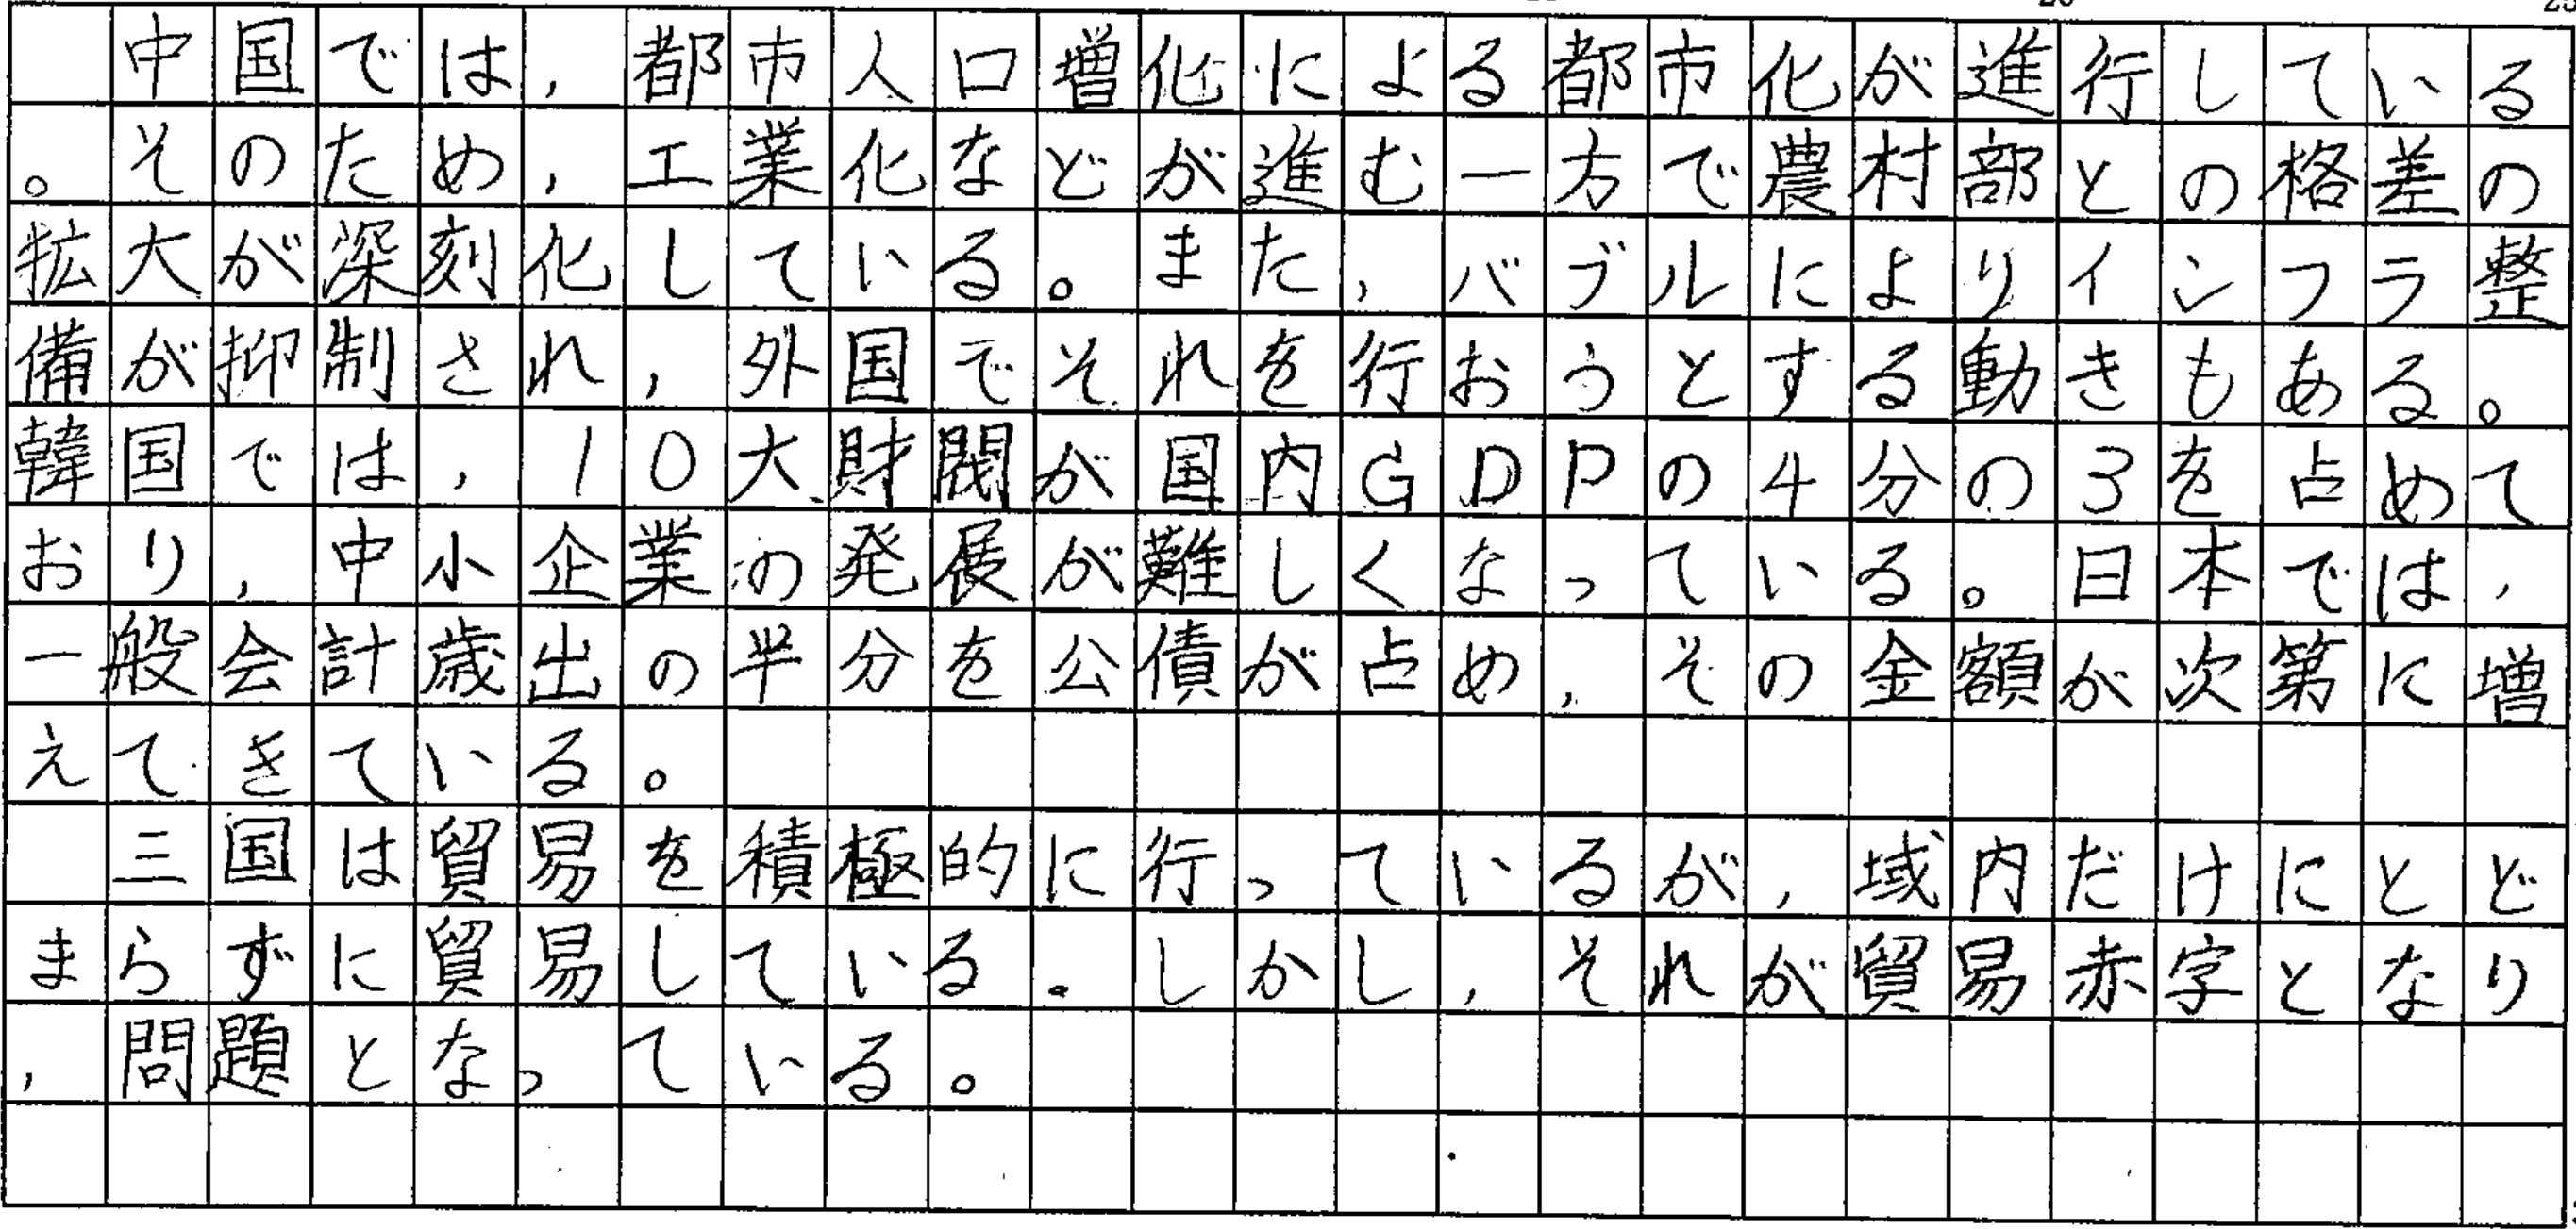　中国では，都市人口増化による都市化が進行している。そのため，工業化などが進む一方で農村部との格差の拡大が深刻化している。また，バブルによりインフラ整備が抑制され，外国でそれを行おうとする動きもある。韓国では，１０大財閥が国内ＧＤＰの４分の３を占めており，中小企業の発展が難しくなっている。日本では，一般会計歳出の半分を公債が占め，その金額が次第に増えてきている。
　三国は貿易を積極的に行っているが，域内だけにとどまらずに貿易している。しかし，それが貿易赤字となり，問題となっている。
